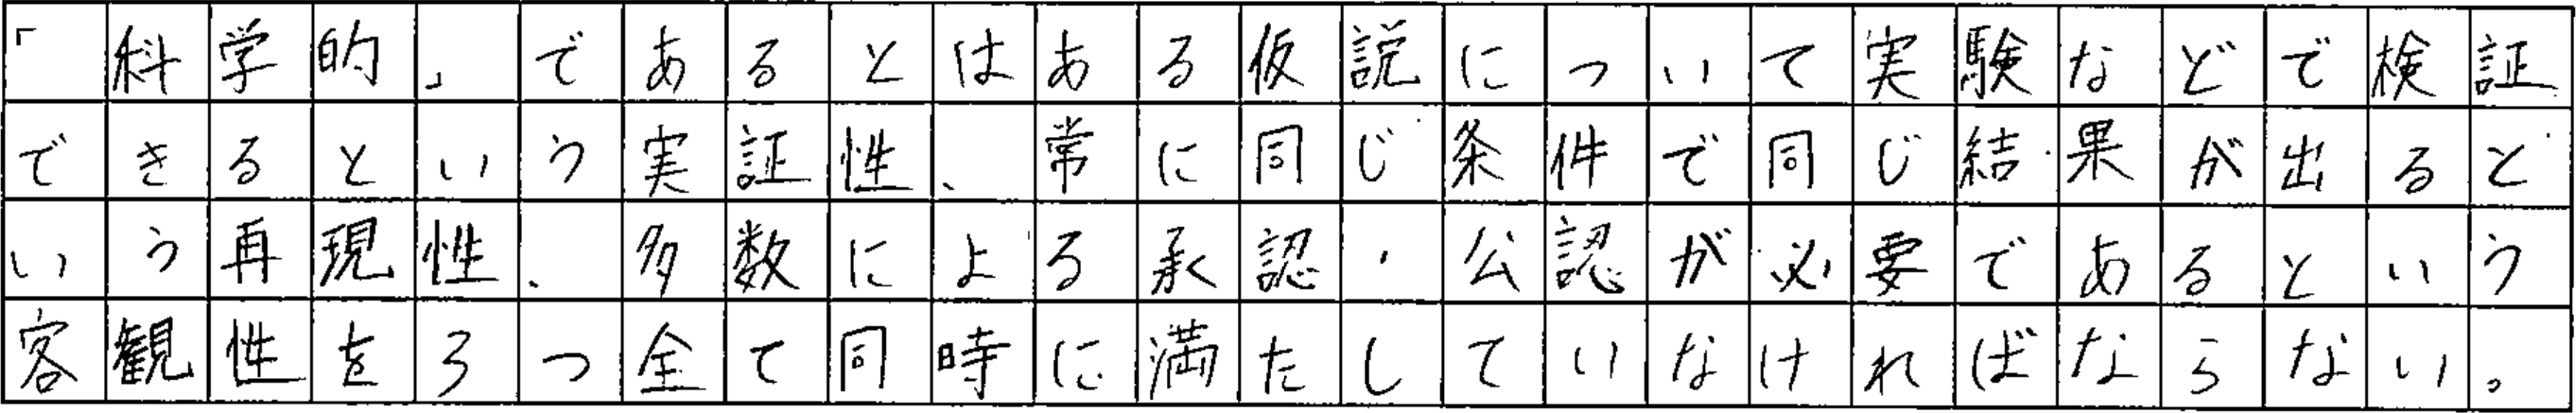「科学的」であるとはある仮説について実験などで検証できるという実証性、常に同じ条件で同じ結果が出るという再現性、多数による承認・公認が必要であるという客観性を３つ全て同時に満たしていなければならない。
